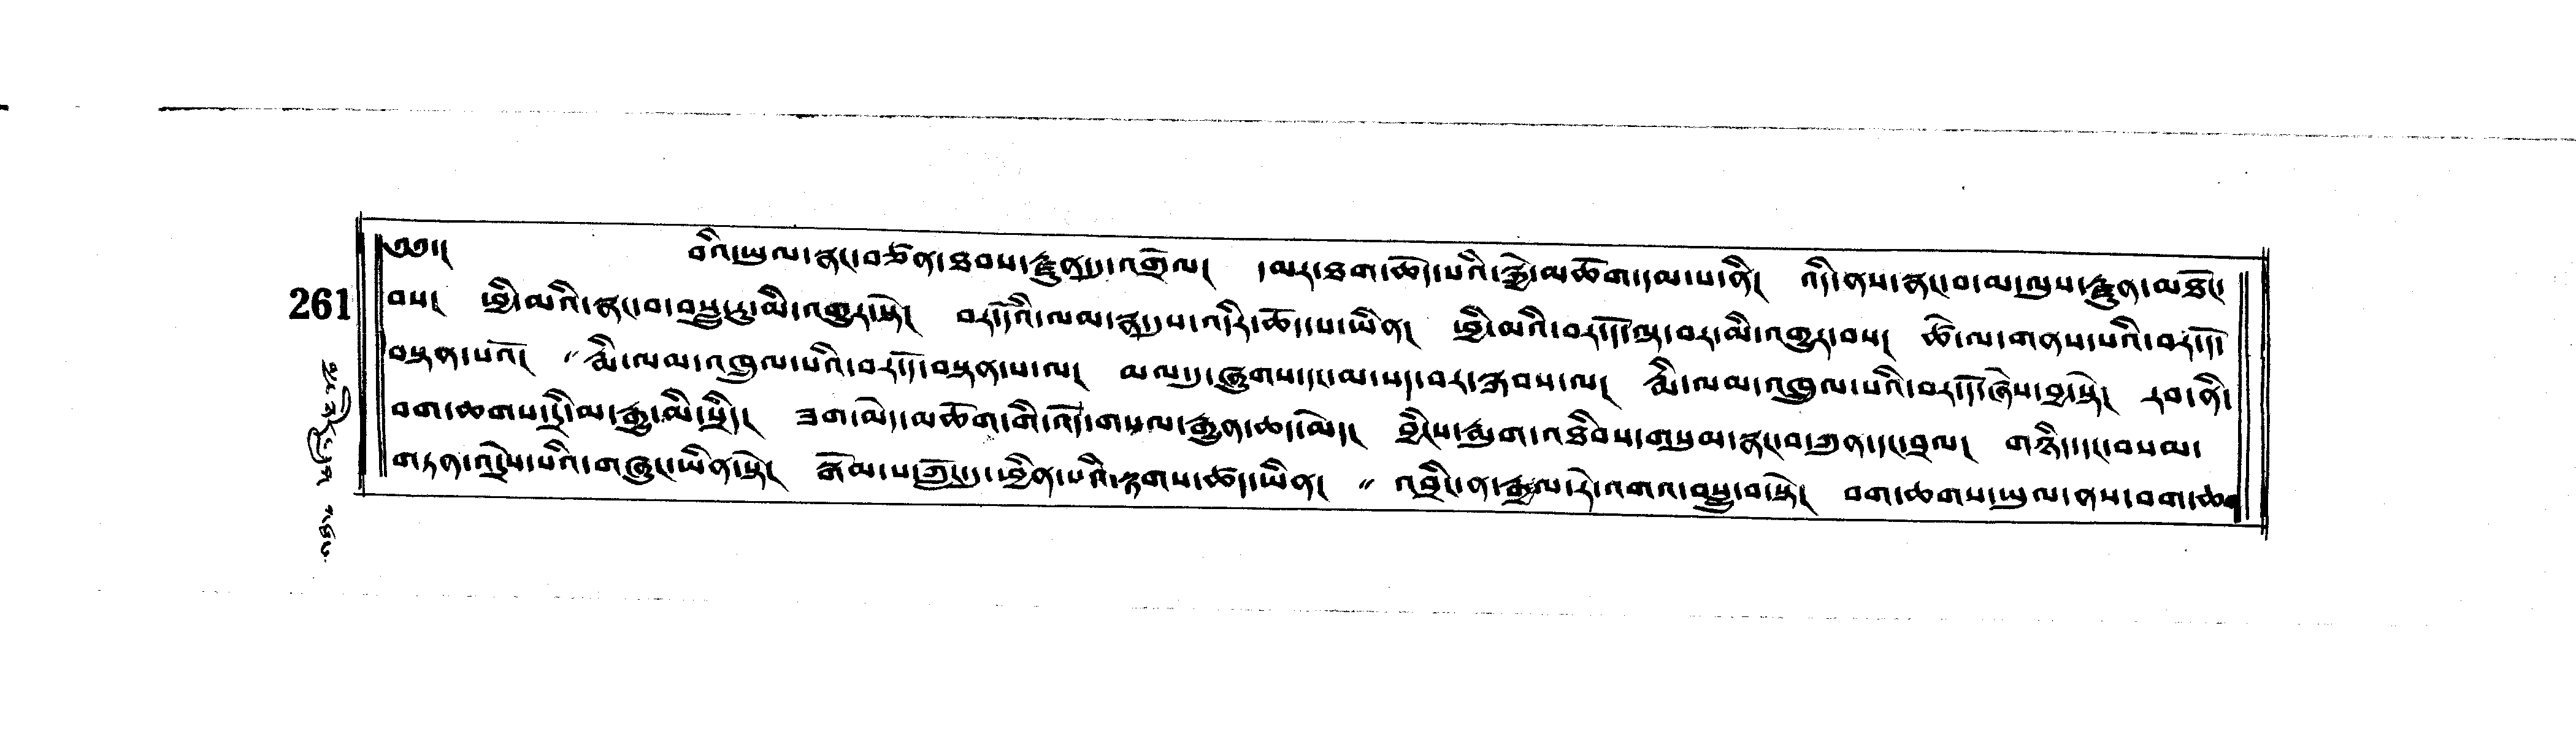བའི་ཡུལ་སྣང་བཙན་ཐབས་རྫུན་དུ་འགྲོལ། དམར་ཐག་ཆོད་པའི་སྐྱེས་མཆོག་དམ་པ་ནི། འདི་ནས་སྣང་བ་མ་ལུས་རྫུན་མཐོང་
ནས། ཕྱི་མའི་སྣང་བ་བསླུ་རུ་མི་འགྱུར་ཏེ། བར་དོའི་ལམ་སྣ་དུས་འདིར་ཆོད་པ་ཡིན། ཕྱི་མའི་བར་དོ་ལྟ་བར་མི་འགྱུར་བས། ཚེ་ལ་གནས་པའི་བར་དོ་
བསྟན་པའོ། རྨི་ལམ་འཁྲུལ་པའི་བར་དོ་བསྟན་པ་ལ། ལམ་དུ་ཞུགས་དང་མ་སད་བར་སྐབས་ལ། རྨི་ལམ་འཁྲུལ་པའི་བར་དོ་ཞེས་བྱ་སྟེ། རབ་ནི་
བག་ཆགས་དྲི་མ་རྒྱུ་མི་སྲིད། ཟག་མེད་མཆོག་གི་འོད་གསལ་རྒྱུན་ཆད་མེད། བྱིངས་རྨུག་འཐིབས་གསུམ་སྣང་བ་ཀུན་དང་བྲལ། གཉིད་དང་བསམ་
གཏན་འདྲེས་པའི་གཞུང་ཡིན་ཏེ། སྒོམ་པ་ཀློང་དུ་ཕྱིན་པའི་རྟགས་ཚད་ཡིན། ༧ འབྲིང་ནི་བརྒྱ་ལ་རེ་འགའ་བསླུ་བ་སྟེ། བག་ཆགས་ཡུལ་ནས་བག་ཆགས་